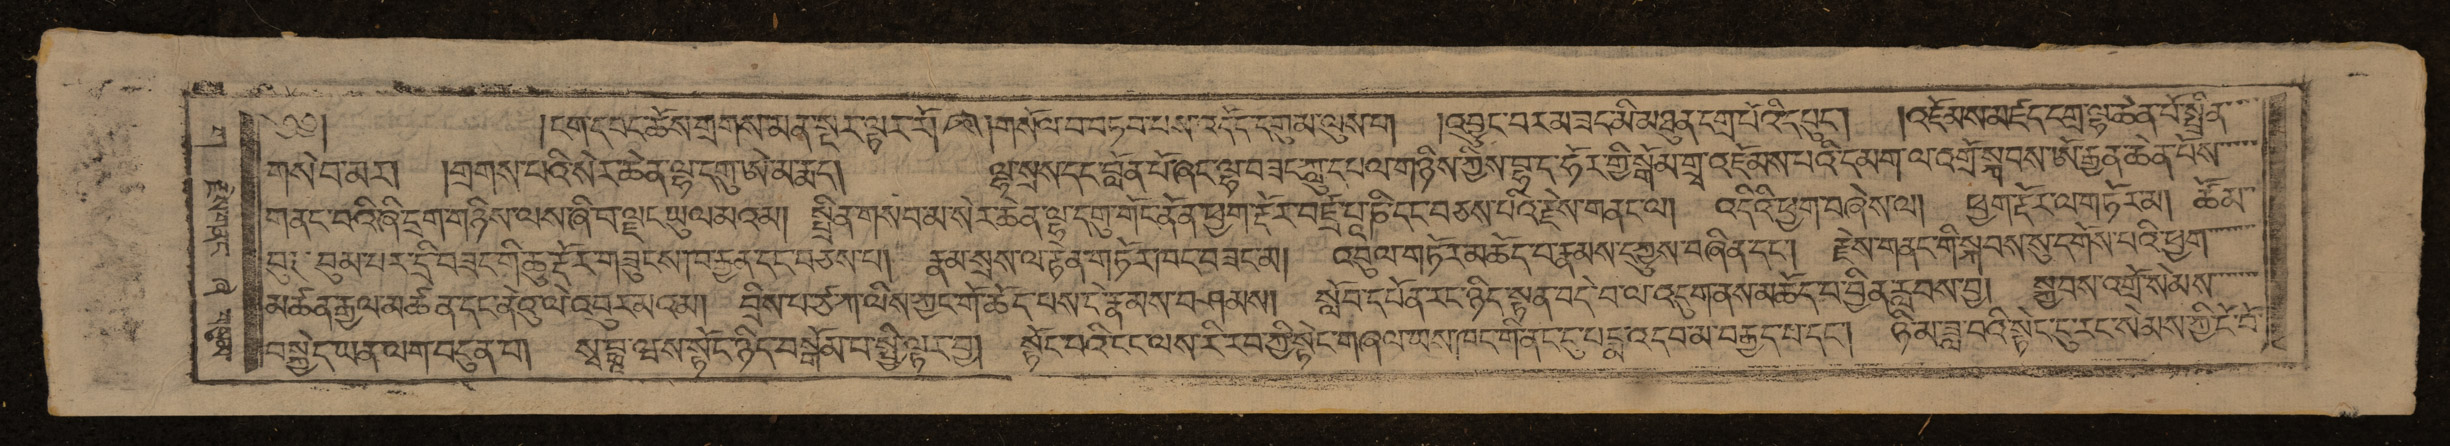༄༅། །ངག་དབང་ཆོས་གྲགས་མན་སྔར་ལྟར་རོ། ༡༤?་།གསོལ་པ་བཏབ་པས་འདོད་དགུ་མ་ལུས་པ། །འབྱུང་བར་མ་ཟང་མི་མཐུན་དགྲ་པོའི་དཔུང་། །འཇོམས་མཛད་དགྲ་ལྷ་ཆེན་པོ་སྤྲིན་
གསེབ་མར། །གྲགས་པའི་སེར་ཆེན་ལྷ་དགུ་ཨེ་མ་རྨད། ལྷ་སྲས་དང་བློན་པོ་ཞང་ལྷ་བཟང་ཀླུ་དཔལ་གཉིས་ཀྱིས་བྷ་ད་ཧོར་གྱི་སྒོམ་གྲྭ་འཇོམས་པའི་དམག་ལ་འགྲོ་སྐབས་ཨོ་རྒྱན་ཆེན་པོས་
གནང་བའི་ཞི་དྲག་གཉིས་ལས་ཞི་བ་ལྗང་ཡུལ་མའམ། སྤྲིན་གསབ་མ་སེར་ཆེན་ལྷ་དགུ་གོང་ནན་ཕྱག་རྡོར་བཛྲ་པཱ་ཎི་དང་བཅས་པའི་རྗེས་གནང་ལ། འདིའི་ཕྱག་བཞེས་ལ། ཕྱག་རྡོར་ལ་གཏོར་མ། ཚོམ་
བུ༑ བུམ་པར་དྲི་བཟང་གི་ཆུ་རྡོར་གཟུངས་ཁ་རྒྱན་དང་བཅས་པ། རྣམ་སྲས་ལ་རྟེན་གཏོར་ཁང་བཟང་མ། འབུལ་གཏོར་མཆོད་པ་རྣམས་དཀྱུས་བཞིན་དང་། རྗེས་གནང་གི་སྐབས་སུ་དགོས་པའི་ཕྱག་
མཚན་རྒྱལ་མཚན་དང་ནེའུ་ལེ་འབུར་མའམ། བྲིས་པ་ཙ་ཀ་ལིས་ཀྱང་གོ་ཆོད་པས་དེ་རྣམས་བཤམས། སློབ་དཔོན་རང་ཉིད་སྟན་བདེ་བ་ལ་འདུག་ནས་མཆོད་པ་བྱིན་རླབས་བྱ། སྐྱབས་འགྲོ་སེམས་
བསྐྱེད་ཡན་ལག་བདུན་པ། སྭ་བྷཱ་ཝས་སྟོང་ཉིད་བསྒོམ་པ་སྤྱི་ལྟར་བྱ། སྟོང་པའི་ངང་ལས་རི་རབ་ཀྱི་སྟེང་གཞལ་ཡས་ཁང་གི་ནང་དུ་པདམ་འདབ་མ་བརྒྱད་པ་དང་། ཉི་མ་ཟླ་བའི་སྟེང་དུ་རང་སེམས་ཀྱི་ངོ་བོ་